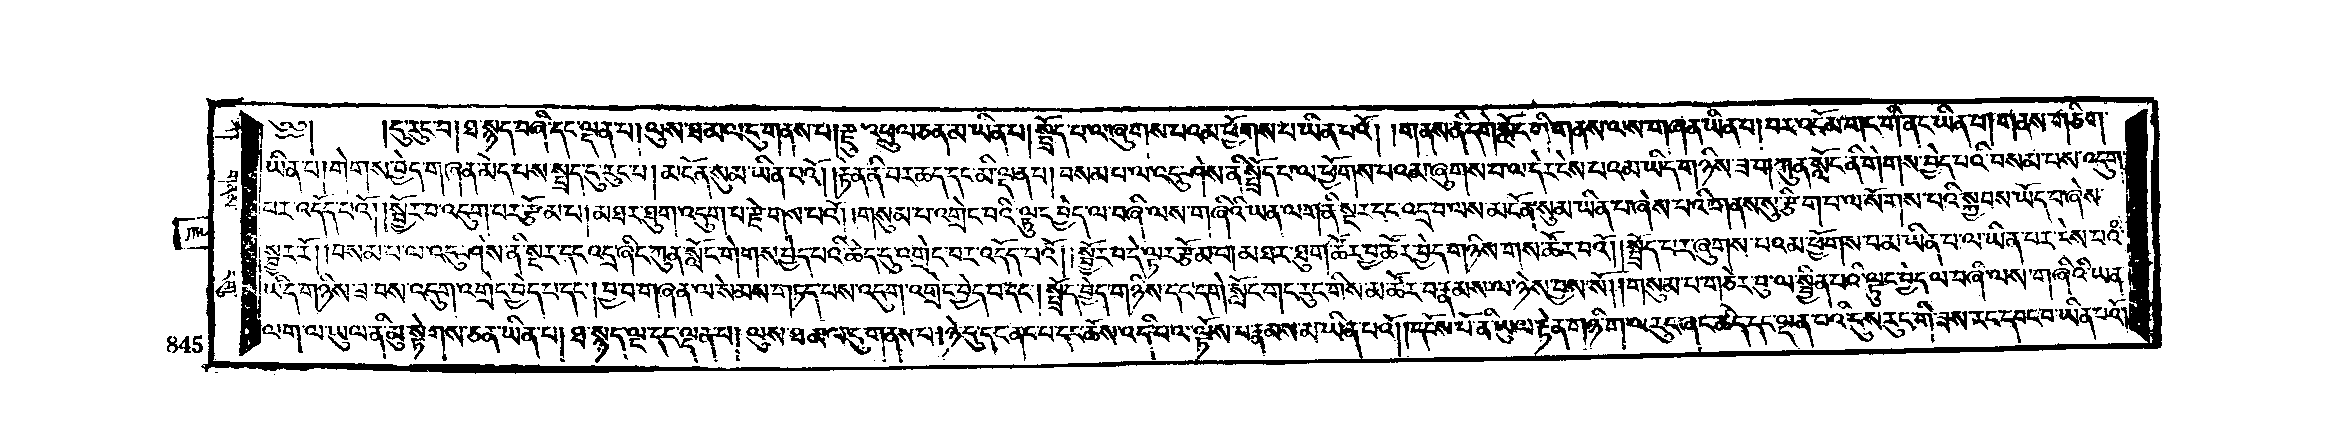༄༅། །དུ་རུང་བ། ཐ་སྙད་བཞི་དང་ལྡན་པ། ལུས་ཐ་མལ་དུ་གནས་པ། རྫུ་འཕྲུལ་ཅན་མ་ཡིན་པ། སྤྲོད་པ་ལ་ཞུགས་པའམ་ཕྱོགས་པ་ཡིན་པའོ། །གནས་ནི་དགེ་སློང་གི་གནས་ལས་གཞན་ཡིན་པ། བར་འདོམ་གང་གི་ནང་ཡིན་པ། གནས་གཅིག་
ཡིན་པ། གེགས་བྱེད་གཞན་མེད་པས་སྤྲད་དུ་རུང་པ། མངོན་སུམ་ཡིན་པའོ། །རྟེན་ནི་བར་ཆད་དང་མི་ལྡན་པ། བསམ་པ་ལ་འདུ་ཤེས་ནི་སྤྲོད་པ་ལ་ཕྱོགས་པའམ་ཞུགས་པ་ལ་དེར་ངེས་པའམ་ཡིད་གཉིས་ཟ་བ། ཀུན་སློང་ནི་གེགས་བྱེད་པའི་བསམ་པས་འདུག་
པར་འདོད་པའོ། །སྦྱོར་བ་འདུག་པར་རྩོམ་པ། མཐར་ཐུག་འདུག་པ་རྫེགས་པའོ། །གསུམ་པ་འགྲེང་བའི་ལྟུང་བྱེད་ལ་བཞི་ལས་གཞིའི་ཡན་ལག་ནི་སྔར་དང་འདྲ་བ་ལས་མངོན་སུམ་ཡིན་པ་ཞེས་པའི་གནས་སུ་རྩིག་པ་ལ་སོགས་པའི་སྐྱབས་ཡོད་པ་ཞེས་
སྦྱར་རོ། །བསམ་པ་ལ་འདུ་ཤེས་ནི་སྔར་དང་འདྲ་ཞིང་ཀུན་སློང་གེགས་བྱེད་པའི་ཆེད་དུ་འགྲེང་བར་འདོད་པའོ། །སྦྱོར་བ་དེ་ལྟར་རྩོམ་པ། མཐར་ཐུག་ཚོར་བྱ་ཚོར་བྱེད་གཉིས་གས་ཚོར་བའོ། །སྤྲོད་པར་ཞུགས་པའམ་ཕྱོགས་པ་མ་ཡིན་པ་ལ་ཡིན་པར་ངེས་པའཾ་
ཡིད་གཉིས་ཟ་བས་འདུག་འགྲེང་བྱེད་པ་དང་། བྱ་བ་གཞན་ལ་སེམས་གཏད་པས་འདུག་འགྲེང་བྱེད་པ་དང་། སྤྲོད་བྱེད་གཉིས་དང་དགེ་སློང་གང་རུང་གིས་མ་ཚོར་བ་རྣམས་ལ་ཉེས་བྱས་སོ། །གསུམ་པ་གཅེར་བུ་ལ་སྦྱིན་པའི་ལྟུང་བྱེད་ལ་བཞི་ལས་གཞིའི་ཡན་
ལག་ལ་ཡུལ་ནི་མུ་སྟེགས་ཅན་ཡིན་པ། ཐ་སྙད་ལྔ་དང་ལྡན་པ། ལུས་ཐ་མལ་དུ་གནས་པ། ཉེ་དུ་དང་ནང་པ་དང་ཆོས་འདི་པ་ལ་ལྟོས་པ་རྣམས་མ་ཡིན་པའོ། །དངོས་པོ་ནི་ཡུལ་རྟེན་གཉི་ག་ལ་རུང་ཞང་ཚེད་དང་ལྡན་པའི་དུས་རུང་གི་ཟས་རང་དབང་བ་ཡིན་པའོ།